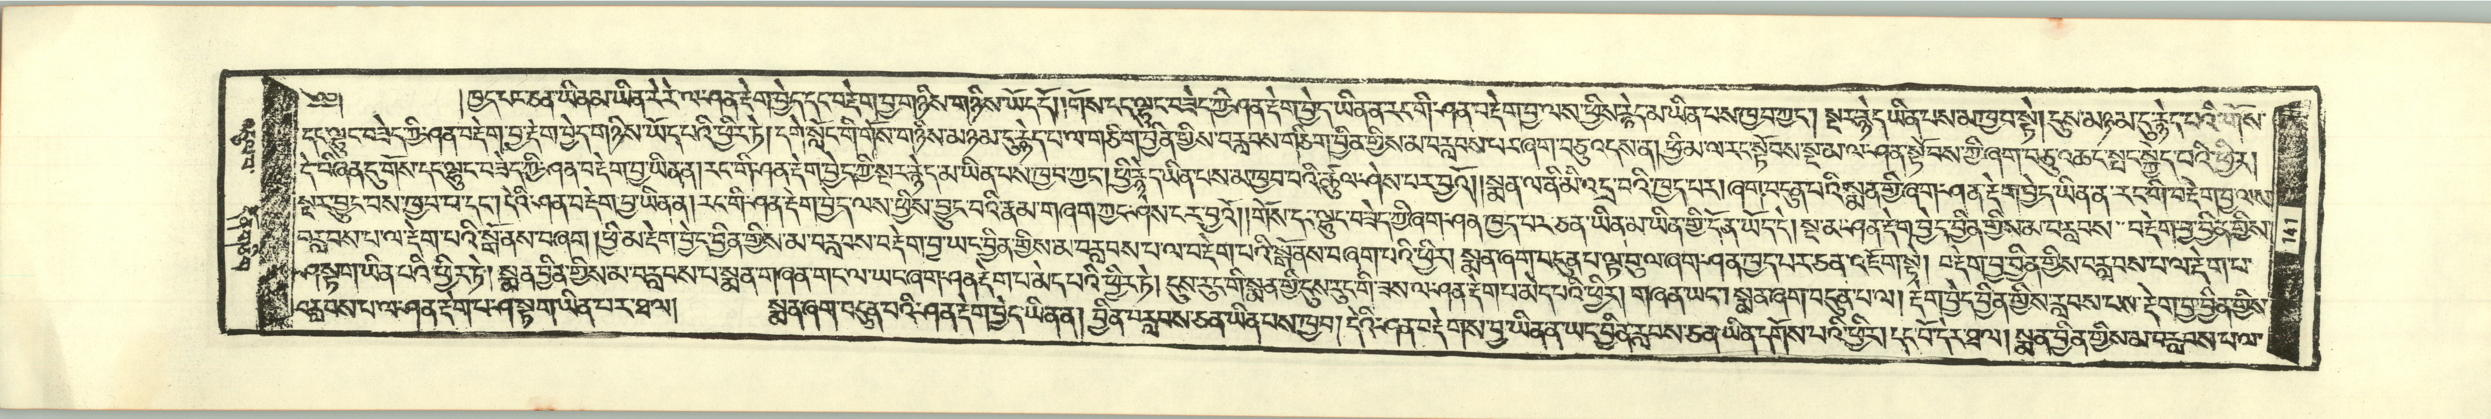༄༅། །ཁྱད་པར་ཅན་ཡིན་མ་ཡིན་རེ་རེ་ལ་ཤན་རྡེག་བྱེད་དང་བརྡེག་བྱ་གཉིས་གཉིས་ཡོད་དོ། །གོས་དང་ལྷུང་བཟེད་ཀྱི་ཤན་རྡེག་བྱེད་ཡིན་ན་རང་གི་ཤན་བརྡེག་བྱ་ལས་ཕྱིས་རྙེད་མ་ཡིན་པས་ཁྱབ་ཀྱང་། སྔར་རྙེད་ཡིན་པས་མ་ཁྱབ་སྟེ། དུས་མཉམ་དུ་རྙེད་པའི་གོས་
དང་ལྷུང་བཟེད་ཀྱི་ཤན་བརྡེག་བྱ་རྡེག་བྱེད་གཉིས་ཡོད་པའི་ཕྱིར་ཏེ། དགེ་སློང་གི་གོས་གཉིས་མཉམ་དུ་རྙེད་པ་ལ་གཅིག་བྱིན་གྱིས་བརླབས་གཅིག་བྱིན་གྱིས་མ་བརླབས་པར་ཞག་བཅུ་འདས་ན། ཕྱི་མ་ལ་རང་སྟོབས་སྔ་མ་ལ་ཤན་སྟོབས་ཀྱི་ཞག་བཅུ་འཆང་སྤང་སྐྱེད་པའི་ཕྱིར།
དེ་བཞིན་དུ་གོས་དང་ལྟུང་བཟེད་ཀྱི་ཤན་བརྡེག་བྱ་ཡིན་ན། རང་གི་ཤན་རྡེག་བྱེད་ཀྱི་སྔར་རྙེད་མ་ཡིན་པས་ཁྱབ་ཀྱང་། ཕྱི་རྙེད་ཡིན་པས་མ་ཁྱབ་པའི་ཚུལ་ཤེས་པར་བྱའོ། །སྨན་ལ་ནི་མི་འདྲ་བའི་ཁྱད་པར། ཞག་བདུན་པའི་སྨན་གྱི་ཞག་ཤན་རྡེག་བྱེད་ཡིན་ན་རང་གི་བརྡེག་བྱ་ལས་
སྔར་བྱུང་བས་ཁྱབ་པ་དང་། དེའི་ཤན་བརྡེག་བྱ་ཡིན་ན། རང་གི་ཤན་རྡེག་བྱེད་ལས་ཕྱིས་བྱུང་བའི་རྣམ་གཞག་ཀྱང་ཤེས་ངར་བྱའོ། །གོས་དང་ལྷུང་བཟེད་ཀྱི་ཞག་ཤན་ཁྱད་པར་ཅན་ཡིན་མ་ཡིན་གྱི་དོན་ཡོད་དེ། སྔ་མ་ཤན་རྡེག་བྱེད་བྱིན་གྱིས་མ་བརླབས་བརྡེག་བྱ་བྱིན་གྱིས་
བརླབས་པ་ལ་རྡེག་པའི་སྒོ་ནས་བཞག །ཕྱི་མ་རྡེག་བྱེད་བྱིན་གྱིས་མ་བརླབས་བརྡེག་བྱ་ཡང་བྱིན་གྱིས་མ་བརླབས་པ་ལ་བརྡེག་པའི་སྒོ་ནས་བཞག་པའི་ཕྱིར། སྨན་ཞག་བདུན་པ་ལྟ་བུ་ལ་ཞག་ཤན་ཁྱད་པར་ཅན་འཇོག་སྟེ། བརྡེག་བྱ་བྱིན་གྱིས་བརླབས་པ་ལ་རྡེག་པ་
ཤ་སྟག་ཡིན་པའི་ཕྱིར་ཏེ། སྨན་བྱིན་གྱིས་མ་བརླབས་པ་སྨན་གཞན་གང་ལ་ཡང་ཞག་ཤན་རྡེག་པ་མེད་པའི་ཕྱིར་ཏེ། དུས་རུང་གི་སྨན་གྱི་དུས་རུང་གི་ཟས་ལ་ཤན་རྡེག་པ་མེད་པའི་ཕྱིར། གཞན་ཡང་། སྨན་ཞག་བདུན་པ་ལ། རྡེག་བྱེད་བྱིན་གྱིས་རླབས་པས་རྡེག་བྱ་བྱིན་གྱིས་
བརླབས་པ་ལ་ཤན་རྡེག་པ་ཤ་སྟག་ཡིན་པར་ཐལ། སྨན་ཞག་བདུན་པའི་ཤན་རྡེག་བྱེད་ཡིན་ན། བྱིན་བརླབས་ཅན་ཡིན་པས་ཁྱབ། དེའི་ཤན་བརྡེགས་བྱ་ཡིན་ན་ཡང་བྱིན་རླབས་ཅན་ཡིན་དགོས་པའི་ཕྱིར། དང་པོ་དེར་ཐལ། སྨན་བྱིན་གྱིས་མ་བརླབས་པ་ལ་